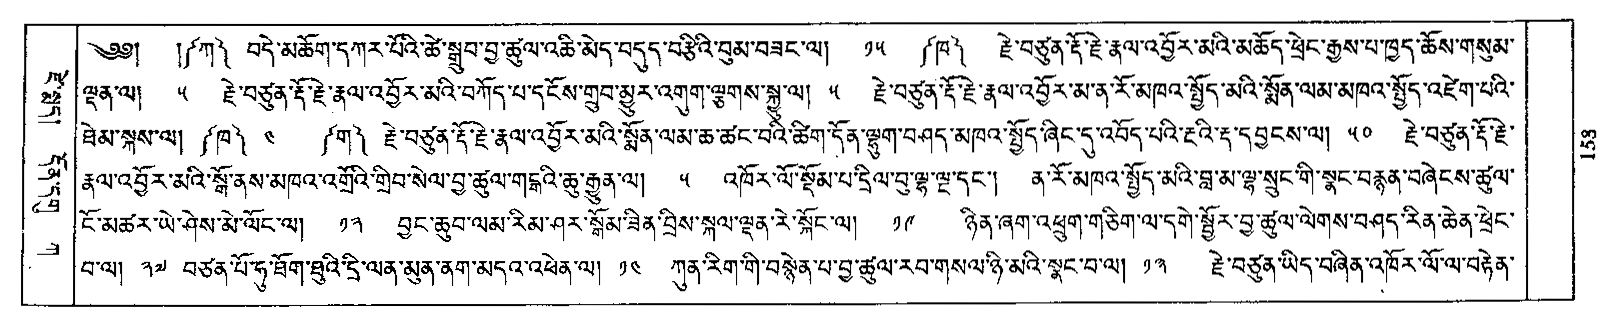༄༅། །༼ཀ྄་བདེ་མཆོག་དཀར་པོའི་ཚེ་སྒྲུབ་བྱ་ཚུལ་འཆི་མེད་བདུད་བརྩིའི་བུམ་བཟང་ལ། ༡༥་༽ཁ྄་རྗེ་བཙུན་རྡོ་རྗེ་རྣལ་འབྱོར་མའི་མཆོད་ཕྲེང་རྒྱས་པ་ཁྱད་ཆོས་གསུམ་
ལྡན་ལ། ༥་རྗེ་བཙུན་རྡོ་རྗེ་རྣལ་འབྱོར་མའི་བཀོད་པ་དངོས་གྲུབ་མྱུར་འགུག་ལྕགས་སྐྱུ་ལ། ༥་རྗེ་བཙུན་རྡོ་རྗེ་རྣལ་འབྱོར་མ་ན་རོ་མཁའ་སྤྱོད་མའི་སྨོན་ལམ་མཁའ་སྤྱོད་འཛེག་པའི་
ཐེམ་སྐས་ལ། ༼ཁ྄ ༤་༽ག྄་རྗེ་བཙུན་རྡོ་རྗེ་རྣལ་འབྱོར་མའི་སྨོན་ལམ་ཆ་ཚང་བའི་ཚིག་དོན་ལྷུག་བཤད་མཁའ་སྤྱོད་ཞིང་དུ་འབོད་པའི་རྔའི་རྡ་དབྱངས་ལ། ༥༠་རྗེ་བཙུན་རྡོ་རྗེ་
རྣལ་འབྱོར་མའི་སྒོ་ནས་མཁའ་འགྲོའི་གྲིབ་སེལ་བྱ་ཚུལ་གངྒའི་ཆུ་རྒྱུན་ལ། ༥་འཁོར་ལོ་སྡོམ་པ་དྲིལ་བུ་ལྷ་ལྔ་དང་། ན་རོ་མཁའ་སྤྱོད་མའི་བླ་མ་ལྷ་སྲུང་གི་སྣང་བརྙན་བཞེངས་ཚུལ་
ངོ་མཚར་ཡེ་ཤེས་མེ་ལོང་ལ། ༡༢་བྱང་ཆུབ་ལམ་རིམ་ཤར་སྒོམ་ཟིན་བྲིས་སྐལ་ལྡན་རེ་སྐོང་ལ། ༡༩་ཉིན་ཞག་འཕྲུག་གཅིག་ལ་དགེ་སྦྱོར་བྱ་ཚུལ་ལེགས་བཤད་རིན་ཆེན་ཕྲེང་
བ་ལ། ༢༧་བཙན་པོ་ཧུ་ཐོག་ཐུའི་དྲི་ལན་མུན་ནག་མདའ་འཕེན་ལ། ༡༤་ཀུན་རིག་གི་བསྙེན་པ་བྱ་ཚུལ་རབ་གསལ་ཉི་མའི་སྣང་བ་ལ། ༡༣་རྗེ་བཙུན་ཡིད་བཞིན་འཁོར་ལོ་ལ་བརྟེན་